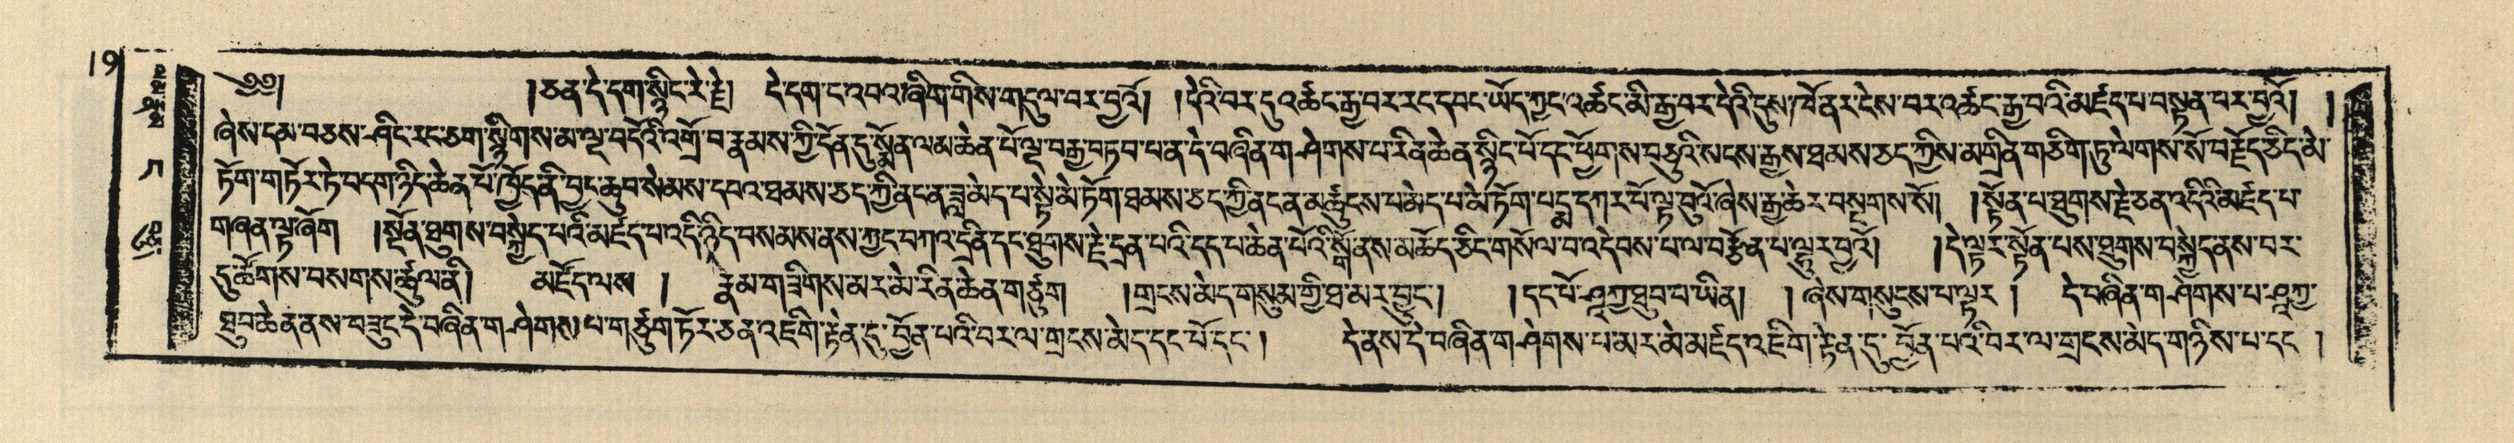༄༅། །ཅན་དེ་དག་སྙིང་རེ་རྗེ། དེ་དག་ང་འབའ་ཞིག་གིས་གདུལ་བར་བྱའོ། །དེའི་བར་དུ་འཚང་རྒྱ་བར་རང་དབང་ཡོད་ཀྱང་འཚང་མི་རྒྱ་བར་དེའི་དུས་ཁོ་ནར་ངེས་བར་འཚང་རྒྱ་བའི་མཛད་པ་བསྟན་པར་བྱའོ། །
ཞེས་དམ་བཅས་ཤིང་རང་ཅག་སྙིགས་མ་ལྔ་བདོའི་འགྲོ་བ་རྣམས་ཀྱི་དོན་དུ་སྨོན་ལམ་ཆེན་པོ་ལྔ་བརྒྱ་བཏབ་པ་ན་དེ་བཞིན་གཤེགས་པ་རིན་ཆེན་སྙིང་པོ་དང་ཕྱོགས་བཅུའི་སངས་རྒྱས་ཐམས་ཅད་ཀྱིས་མགྲིན་གཅིག་ཏུ་ལེགས་སོ་བརྗོད་ཅིང་མེ་
ཏོག་གཏོར་ཏེ་བདག་ཉིད་ཆེན་པོ་ཁྱོད་ནི་བྱང་ཆུབ་སེམས་དཔའ་ཐམས་ཅད་ཀྱི་ནང་ན་ཟླ་མེད་པ་སྟེ་མེ་ཏོག་ཐམས་ཅད་ཀྱི་ནང་ན་མཚུངས་པ་མེད་པ་མེ་ཏོག་པདམ་དཀར་པོ་ལྟ་བུའི་ཞེས་རྒྱ་ཆེར་བསྔགས་སོ། །སྟོན་པ་ཐུགས་རྗེ་ཅན་འདིའི་མཛད་པ་
གཞན་ལྟ་ཞོག །སྔོན་ཐུགས་བསྐྱེད་པའི་མཛད་པ་འདི་ཉིད་བསམས་ནས་ཀྱང་བཀའ་དྲིན་དང་ཐུགས་རྗེ་དྲན་པའི་དད་པ་ཆེན་པོའི་སྒོ་ནས་མཆོད་ཅིང་གསོལ་བ་འདེབས་པ་ལ་བརྩོན་པ་ལྷུར་བྱའོ། །དེ་ལྟར་སྟོན་པས་ཐུགས་བསྐྱེད་ནས་བར་
དུ་ཚོགས་བསགས་ཚུལ་ནི། མཛོད་ལས། རྣམ་གཟིགས་མར་མེ་རིན་ཆེན་གཙུག །གྲངས་མེད་གསུམ་གྱི་ཐ་མར་བྱུང་། །དང་པོ་ཤཱཀྱ་ཐུབ་བ་ཡིན། །ཞེས་གསུངས་པ་ལྟར། དེ་བཞིན་གཤེགས་པ་ཤཱཀྱ་
ཐུབ་ཆེན་ནས་བཟུང་དེ་བཞིན་གཤེགས་པ་གཙུག་ཏོར་ཅན་འཇིག་རྟེན་དུ་བྱོན་པའི་བར་ལ་གྲངས་མེད་དང་པོ་དང་། དེ་ནས་དེ་བཞིན་གཤེགས་པ་མར་མེ་མཛད་འཇིག་རྟེན་དུ་བྱོན་པའི་བར་ལ་གྲངས་མེད་གཉིས་པ་དང་།